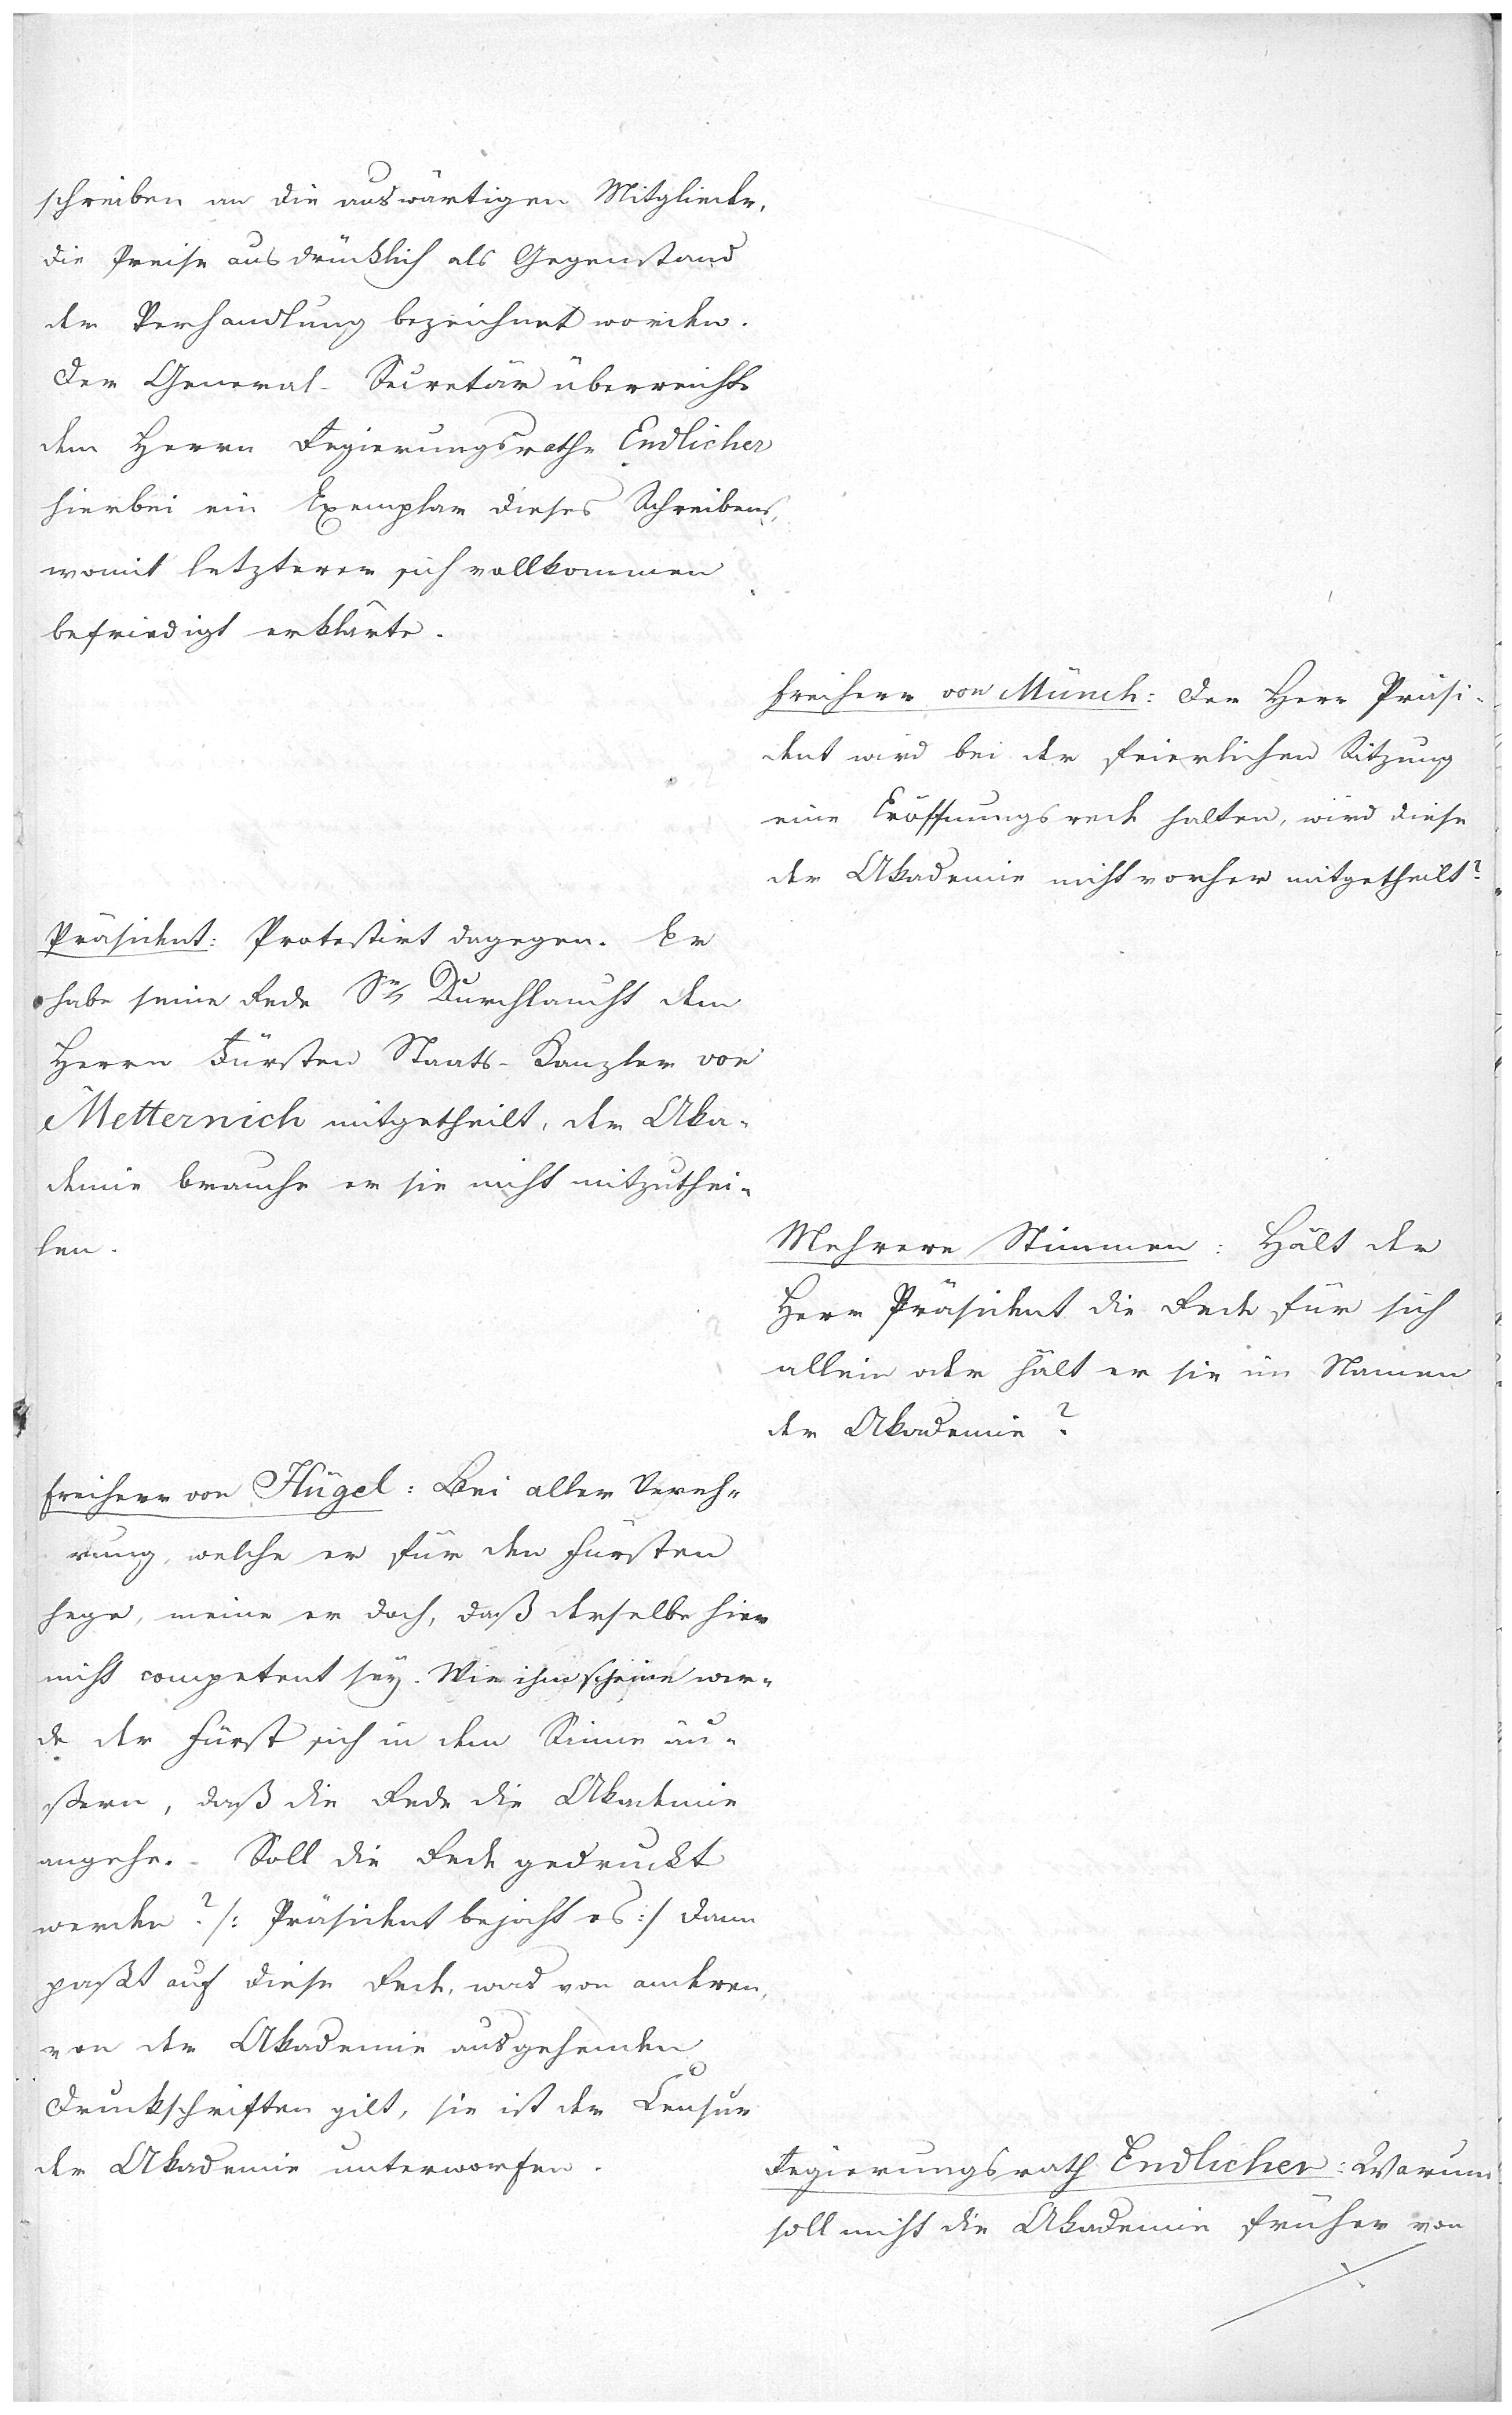schreiben an die auswärtigen Mitglieder,
die Preise ausdrücklich als Gegenstand
der Verhandlung bezeichnet worden.
Der General-Secretär überreichte
dem Herrn Regierungsraht Endlicher
hierbei ein Exemplar dieses Schreibens,
womit letzterer sich vollkommen
befriedigt erklärte.
Freiherr von Münch: Der Herr Präsi-
dent wird bei der feierlichen Sitzung
eine Eröffnungsrede halten, wird diese
der Akademie nicht vorher mitgetheilt?
Präsident: Protestirt dagegen. Er
habe seine Rede Sr. Durchlaucht dem
Herrn Fürsten Staats-Kanzler von
Metternich mitgetheilt, der Aka-
demie brauche er sie nicht mitzuthei-
len.
Mehrere Stimmen: Hält der
Herr Präsident die Rede für sich
allein oder hält er sie im Namen
der Akademie?
Freiherr von Hügel: Bei aller Vereh-
rung, welche er für den Fürsten
hege, meine er doch, daß derselbe hier
nicht competent sey. Wie ihm scheine wer-
de der Fürst sich in dem Sinne äu-
ßern, daß die Rede die Akademie
angehe. Soll die Rede gedruckt
werden? (Präsident bejaht es) dann
paßt auf diese Rede, was von anderen
von der Akademie ausgehenden
Druckschriften gilt, sie ist der Censur
der Akademie unterworfen.
Regierungsrath Endlicher: Warum
soll nicht die Akademie früher von